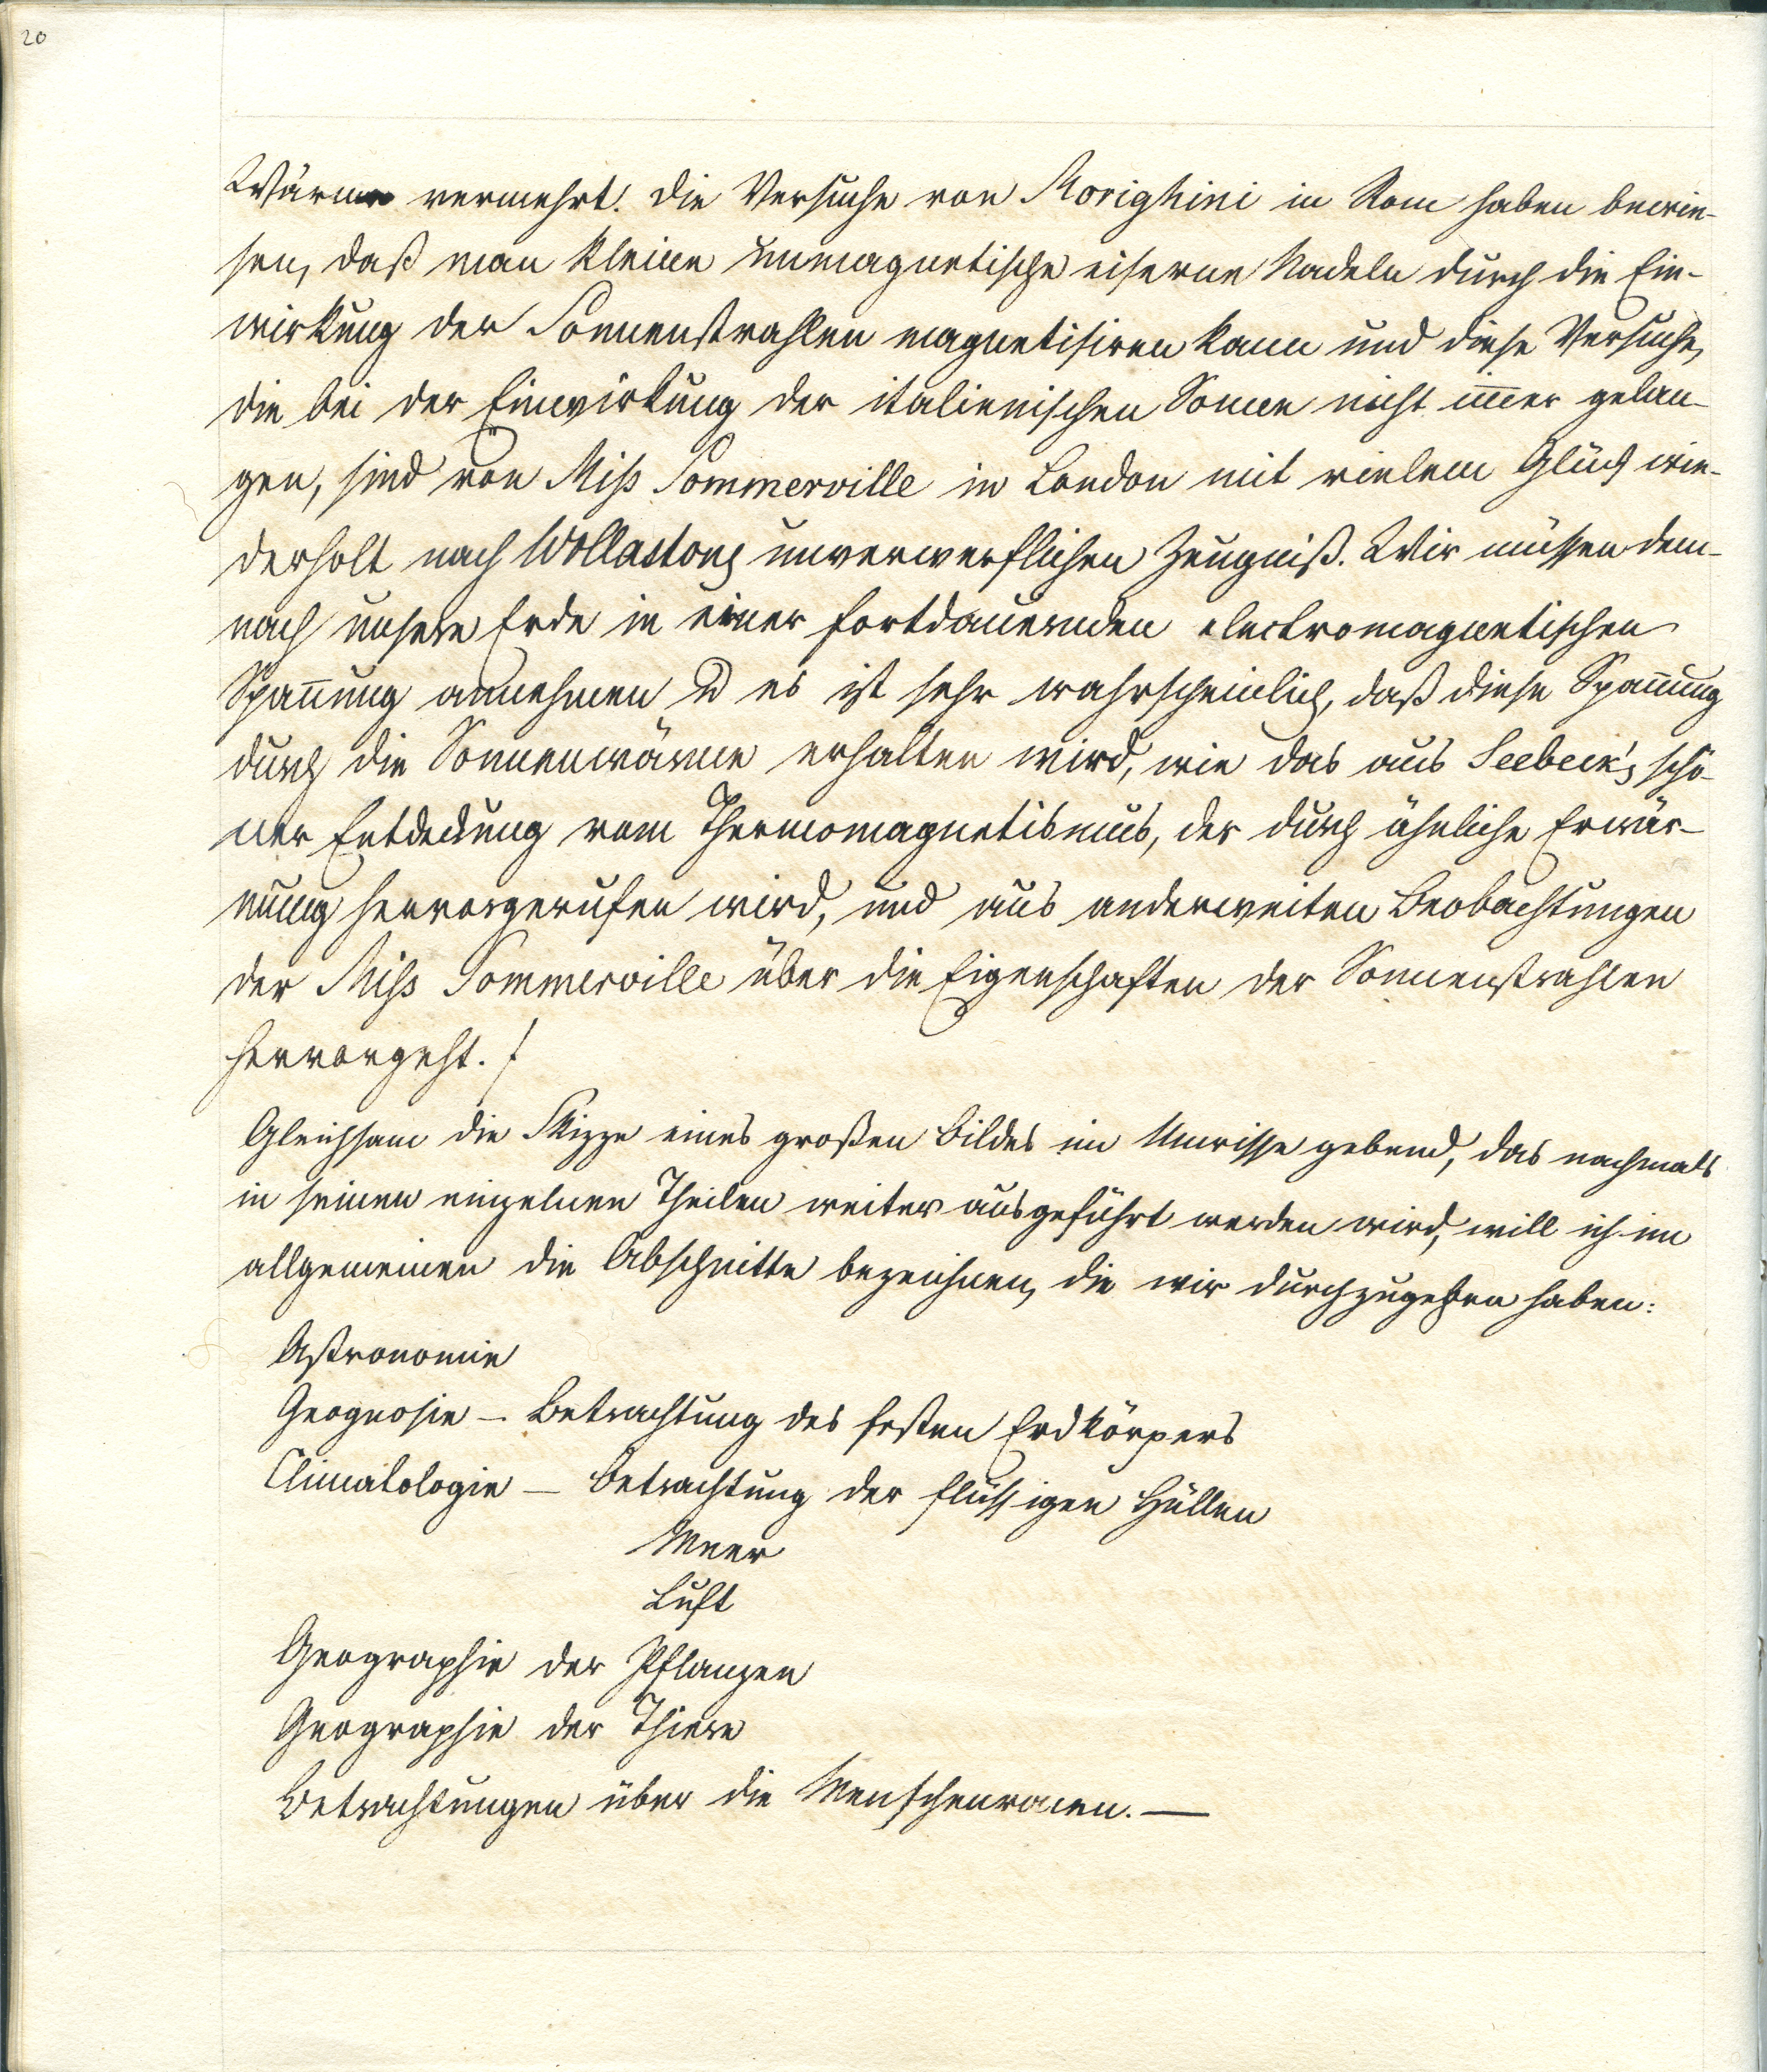20
Wärm[e] vermehrt. Die Versuche von Morighini in Rom haben bewie-
sen, daß man kleine unmagnetische eiserne Nadeln durch die Ein-
wirkung der Sonnenstrahlen magnetisiren kann und diese Versuche,
die bei der Einwirkung der italienischen Sonne nicht immer gelan-
gen, sind von Miss Sommerville in London mit vielem Glück wie-
derholt nach Wollastons unverwerflichen Zeugniß. Wir müssen dem-
nach unsere Erde in einer fortdauernden electromagnetischen
Spannung annehmen u es ist sehr wahrscheinlich, daß diese Spannung
durch die Sonnenwärme erhalten wird, wie das aus Seebeck's schö-
ner Entdeckung vom Thermomagnetismus, der durch ähnliche Erwär-
mung hervorgerufen wird, und aus anderweiten Beobachtungen
der Miss Sommerville über die Eigenschaften der Sonnenstrahlen
hervorgeht.)
Gleichsam die Skizze eines großen Bildes im Umrisse gebend, das nachmals
in seinen einzelnen Theilen weiter ausgeführt werden wird, will ich im
allgemeinen die Abschnitte bezeichnen, die wir durchzugehen haben:
Astronomie
Geognosie - Betrachtung des festen Erdkörpers
Climatologie - Betrachtung der flüssigen Hüllen
Meer
Luft
Geographie der Pflanzen
Geographie der Thiere
Betrachtungen über die Menschenracen. -